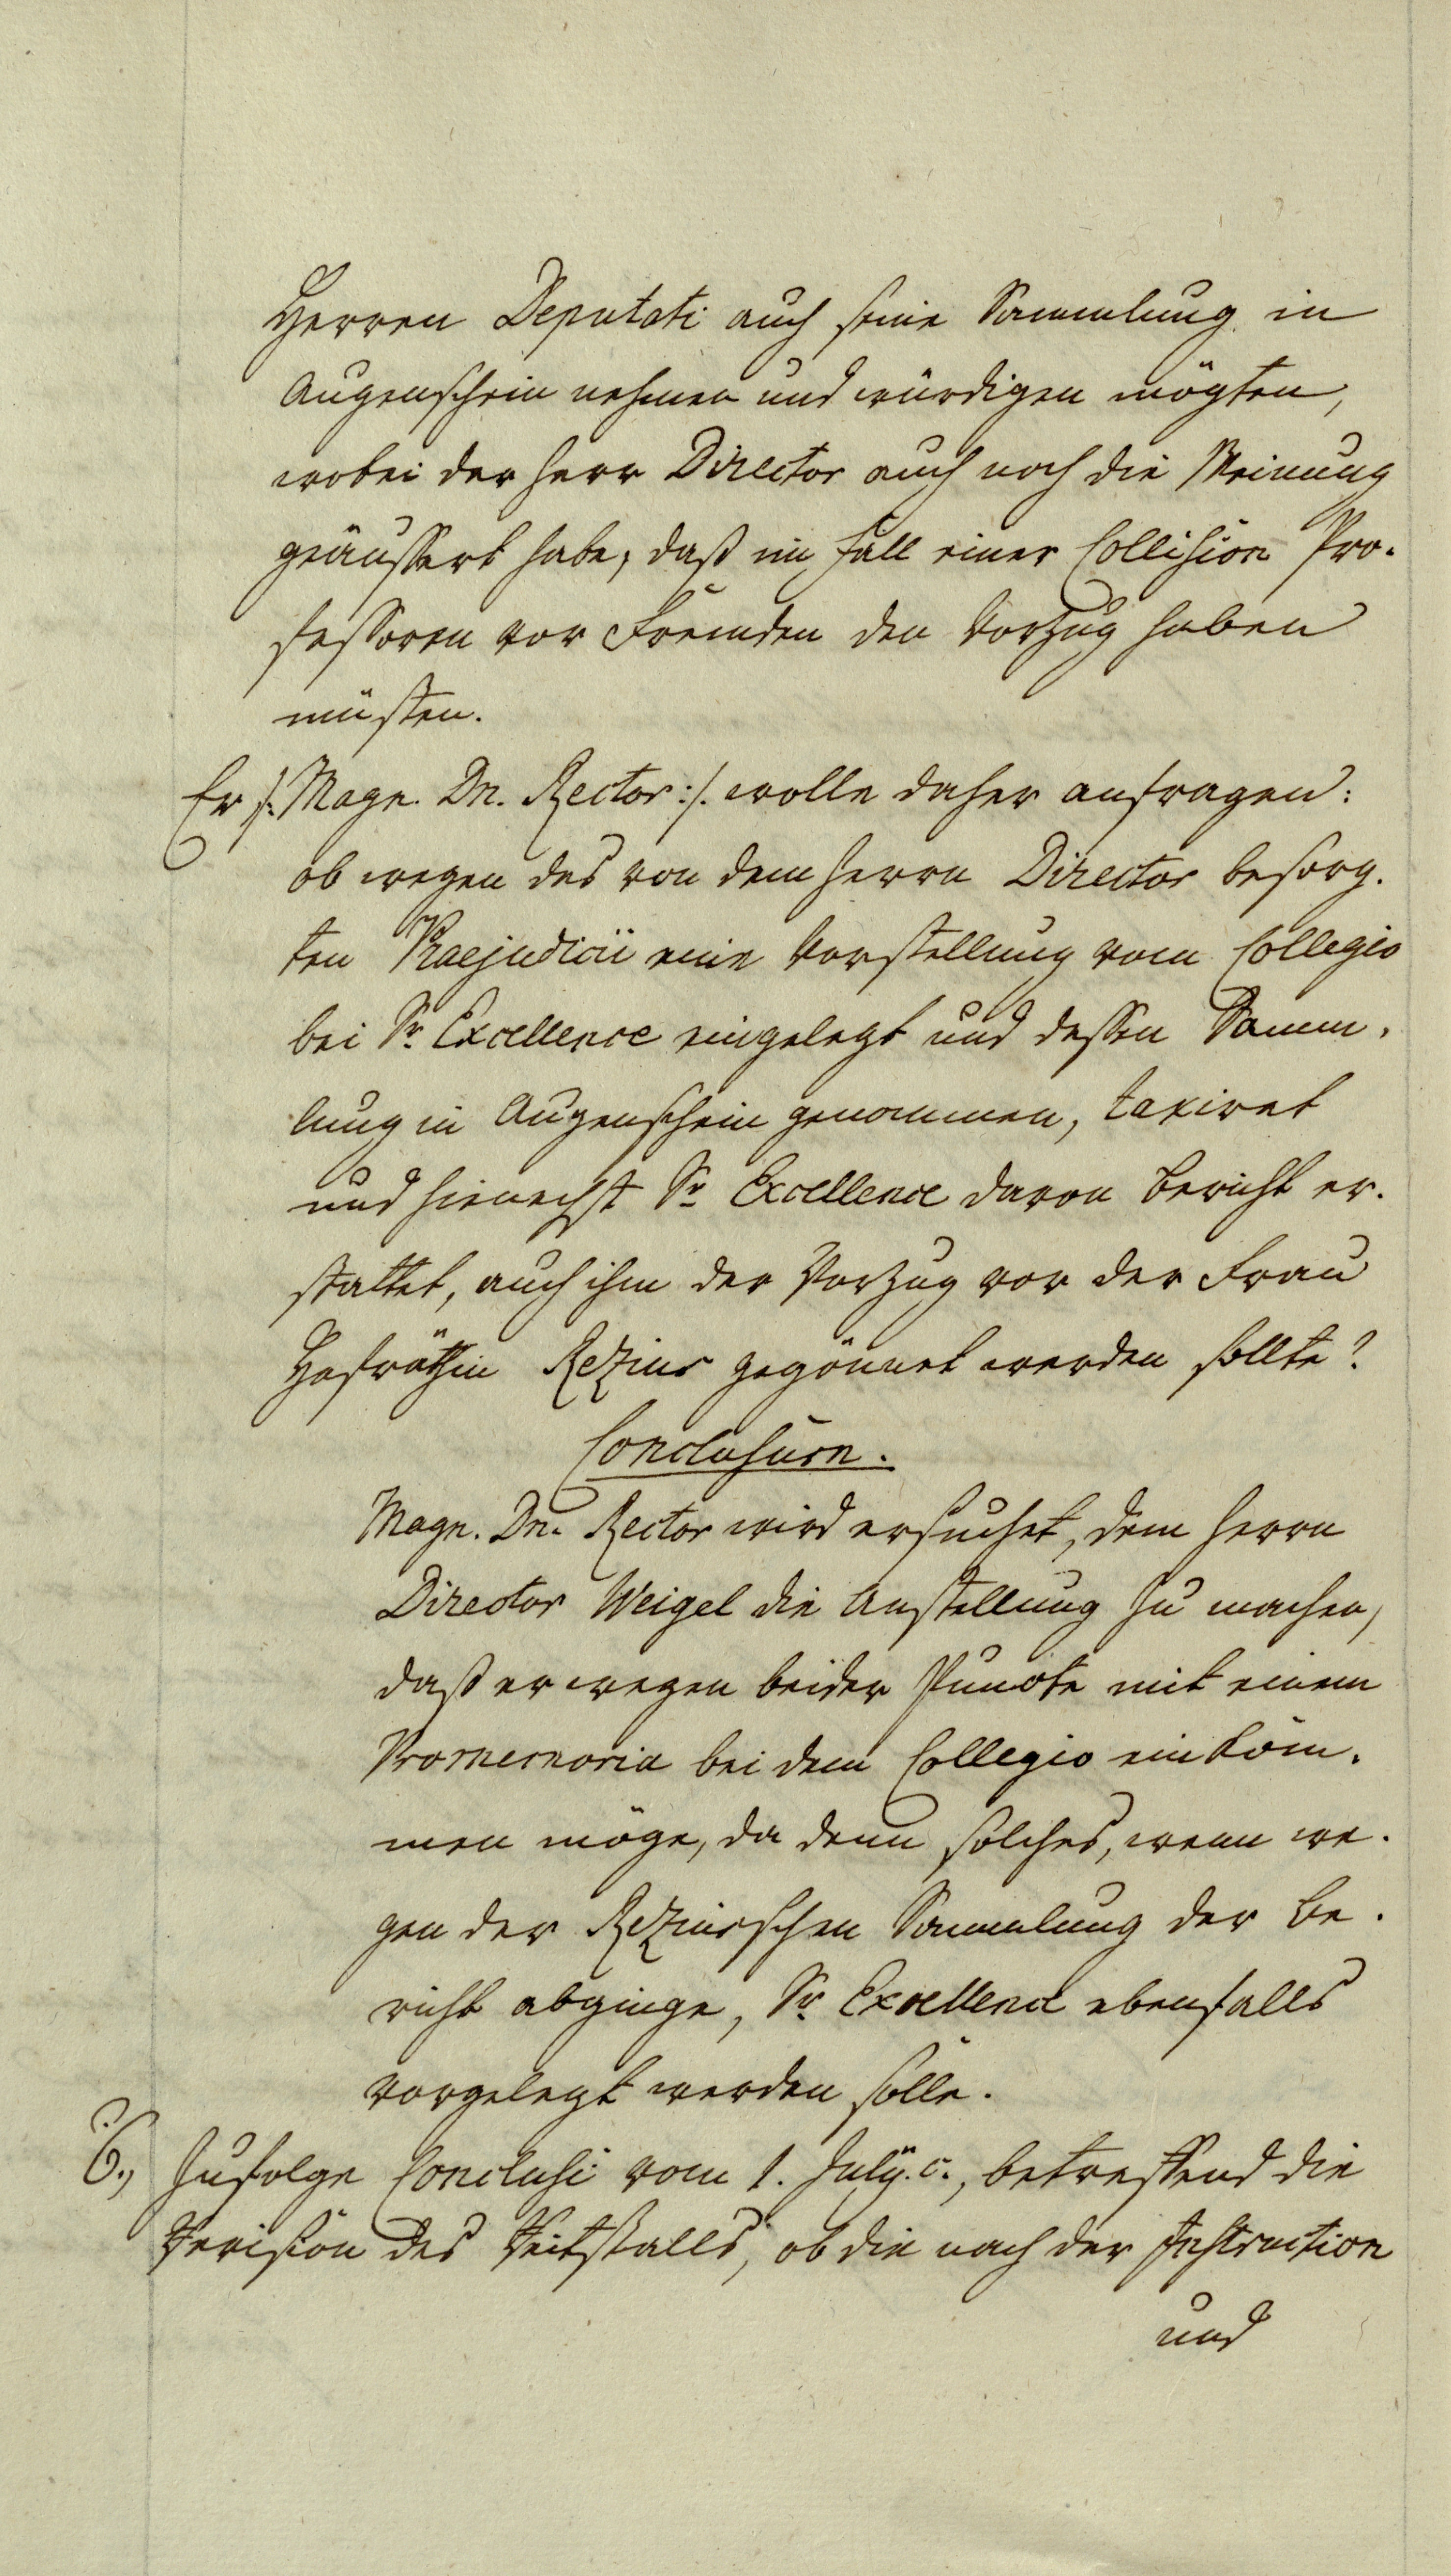Herren Deputati auch seine Sammlung in
Augenschein nehmen und würdigen mögten,
wobei der Herr Director auch noch die Meinung
geäussert habe, daß im Fall einer Collision Pro¬
fessoren vor Fremden den Vorzug haben
müssten.
Er /: Magn. Dn. Rector :/ wolle daher anfragen:
ob wegen des von dem Herrn Director besorg¬
ten Praejudicii eine Vorstellung vom Collegio
bei Sr. Excellence eingelegt und dessen Samm¬
lung in Augenschein genommen, taxiret
und hienechst Sr. Excellence davon Bericht er¬
stattet, auch ihm der Vorzug vor der Frau
Hofräthin Rezius gegönnet werden sollte?
Conclusum.
Magn. Dn. Rector wird ersuchet, dem Herrn
Director Weigel die Anstellung zu machen,
daß er wegen beider Puncte mit einem
Promemoria bei dem Collegio einkom¬
men möge, da denn solches, wenn we¬
gen der Reziusschen Sammlung der Be¬
richt abginge, Sr. Excellence ebenfalls
vorgelegt werden solle.
6., Zufolge Conclusi vom 1. Julÿ. c., betreffend die
Revision des Reitstalls, ob die nach der Instruction
und